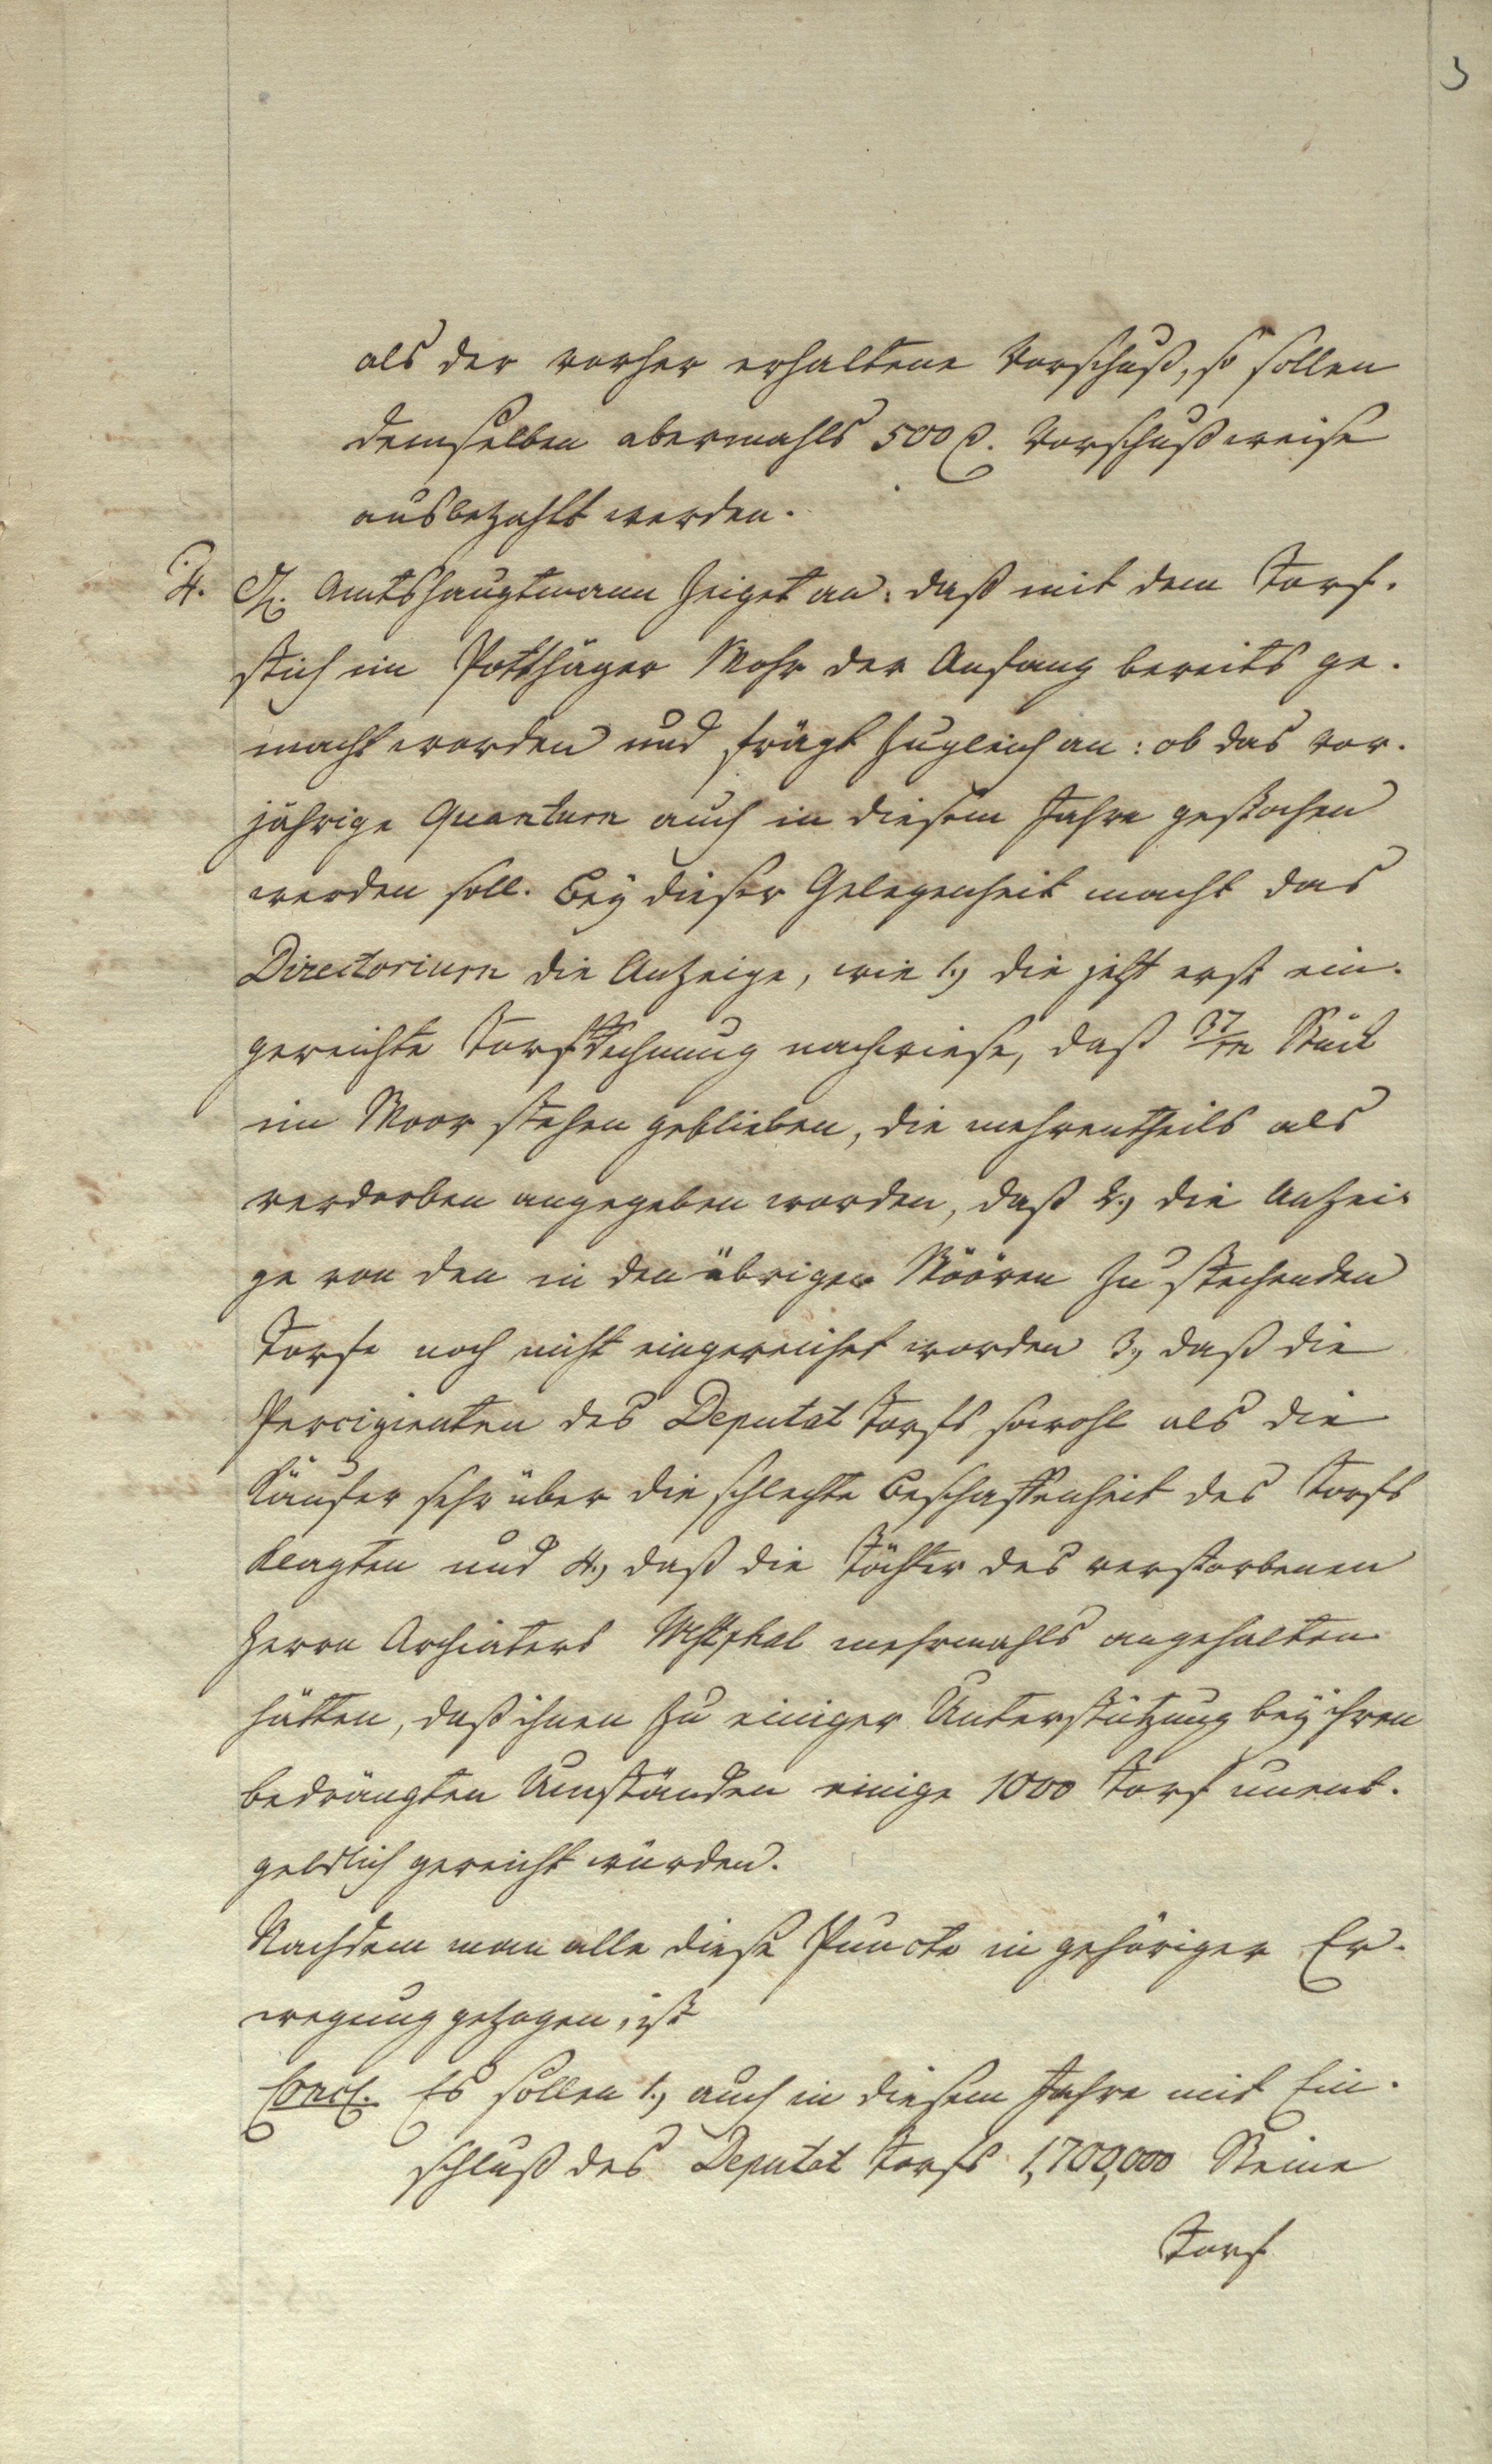als der vorher erhaltene Vorschuß, so sollen
demselben abermahls 500 rtl. vorschußweise
ausbezahlt werden.
4. dh. Amtshauptmann zeiget an: daß mit dem Torf¬
stich im Potthäger Mohr der Anfang bereits ge¬
macht worden und frägt zugleich an: ob das vor¬
jährige Quantum auch in diesem Jahre gestochen
werden soll. Bey dieser Gelegenheit macht das
Directorium die Anzeige, wie 1., die jetzt erst ein¬
gereichte Torf Rechnung nachweise, daß 37/m Stück
im Moor stehen geblieben, die mehrentheils als
verdorben angegeben worden, daß 2., die Anzei¬
ge von den in den übrigen Möören zu stechenden
Torfe noch nicht eingereichet worden 3., daß die
Percipienten des Deputat Torfs sowohl als die
Käufer sehr über die schlechte Beschaffenheit des Torfs
klagten und 4., daß die Töchter des verstorbenen
Herrn Archiaters Wesphal mehrmahls angehalten
hätten, daß ihnen zu einiger Unterstützung bey ihren
bedrängten Umständen einige 1000 Torf unent-
geldlich gereicht würden.
Nachdem man alle diese Puncte in gehöriger Er¬
wegung gezogen ist
concl. Es sollen 1., auch in diesem Jahre mit Ein¬
schluß des Deputat Torfs 1,700,000 Steine
Torf